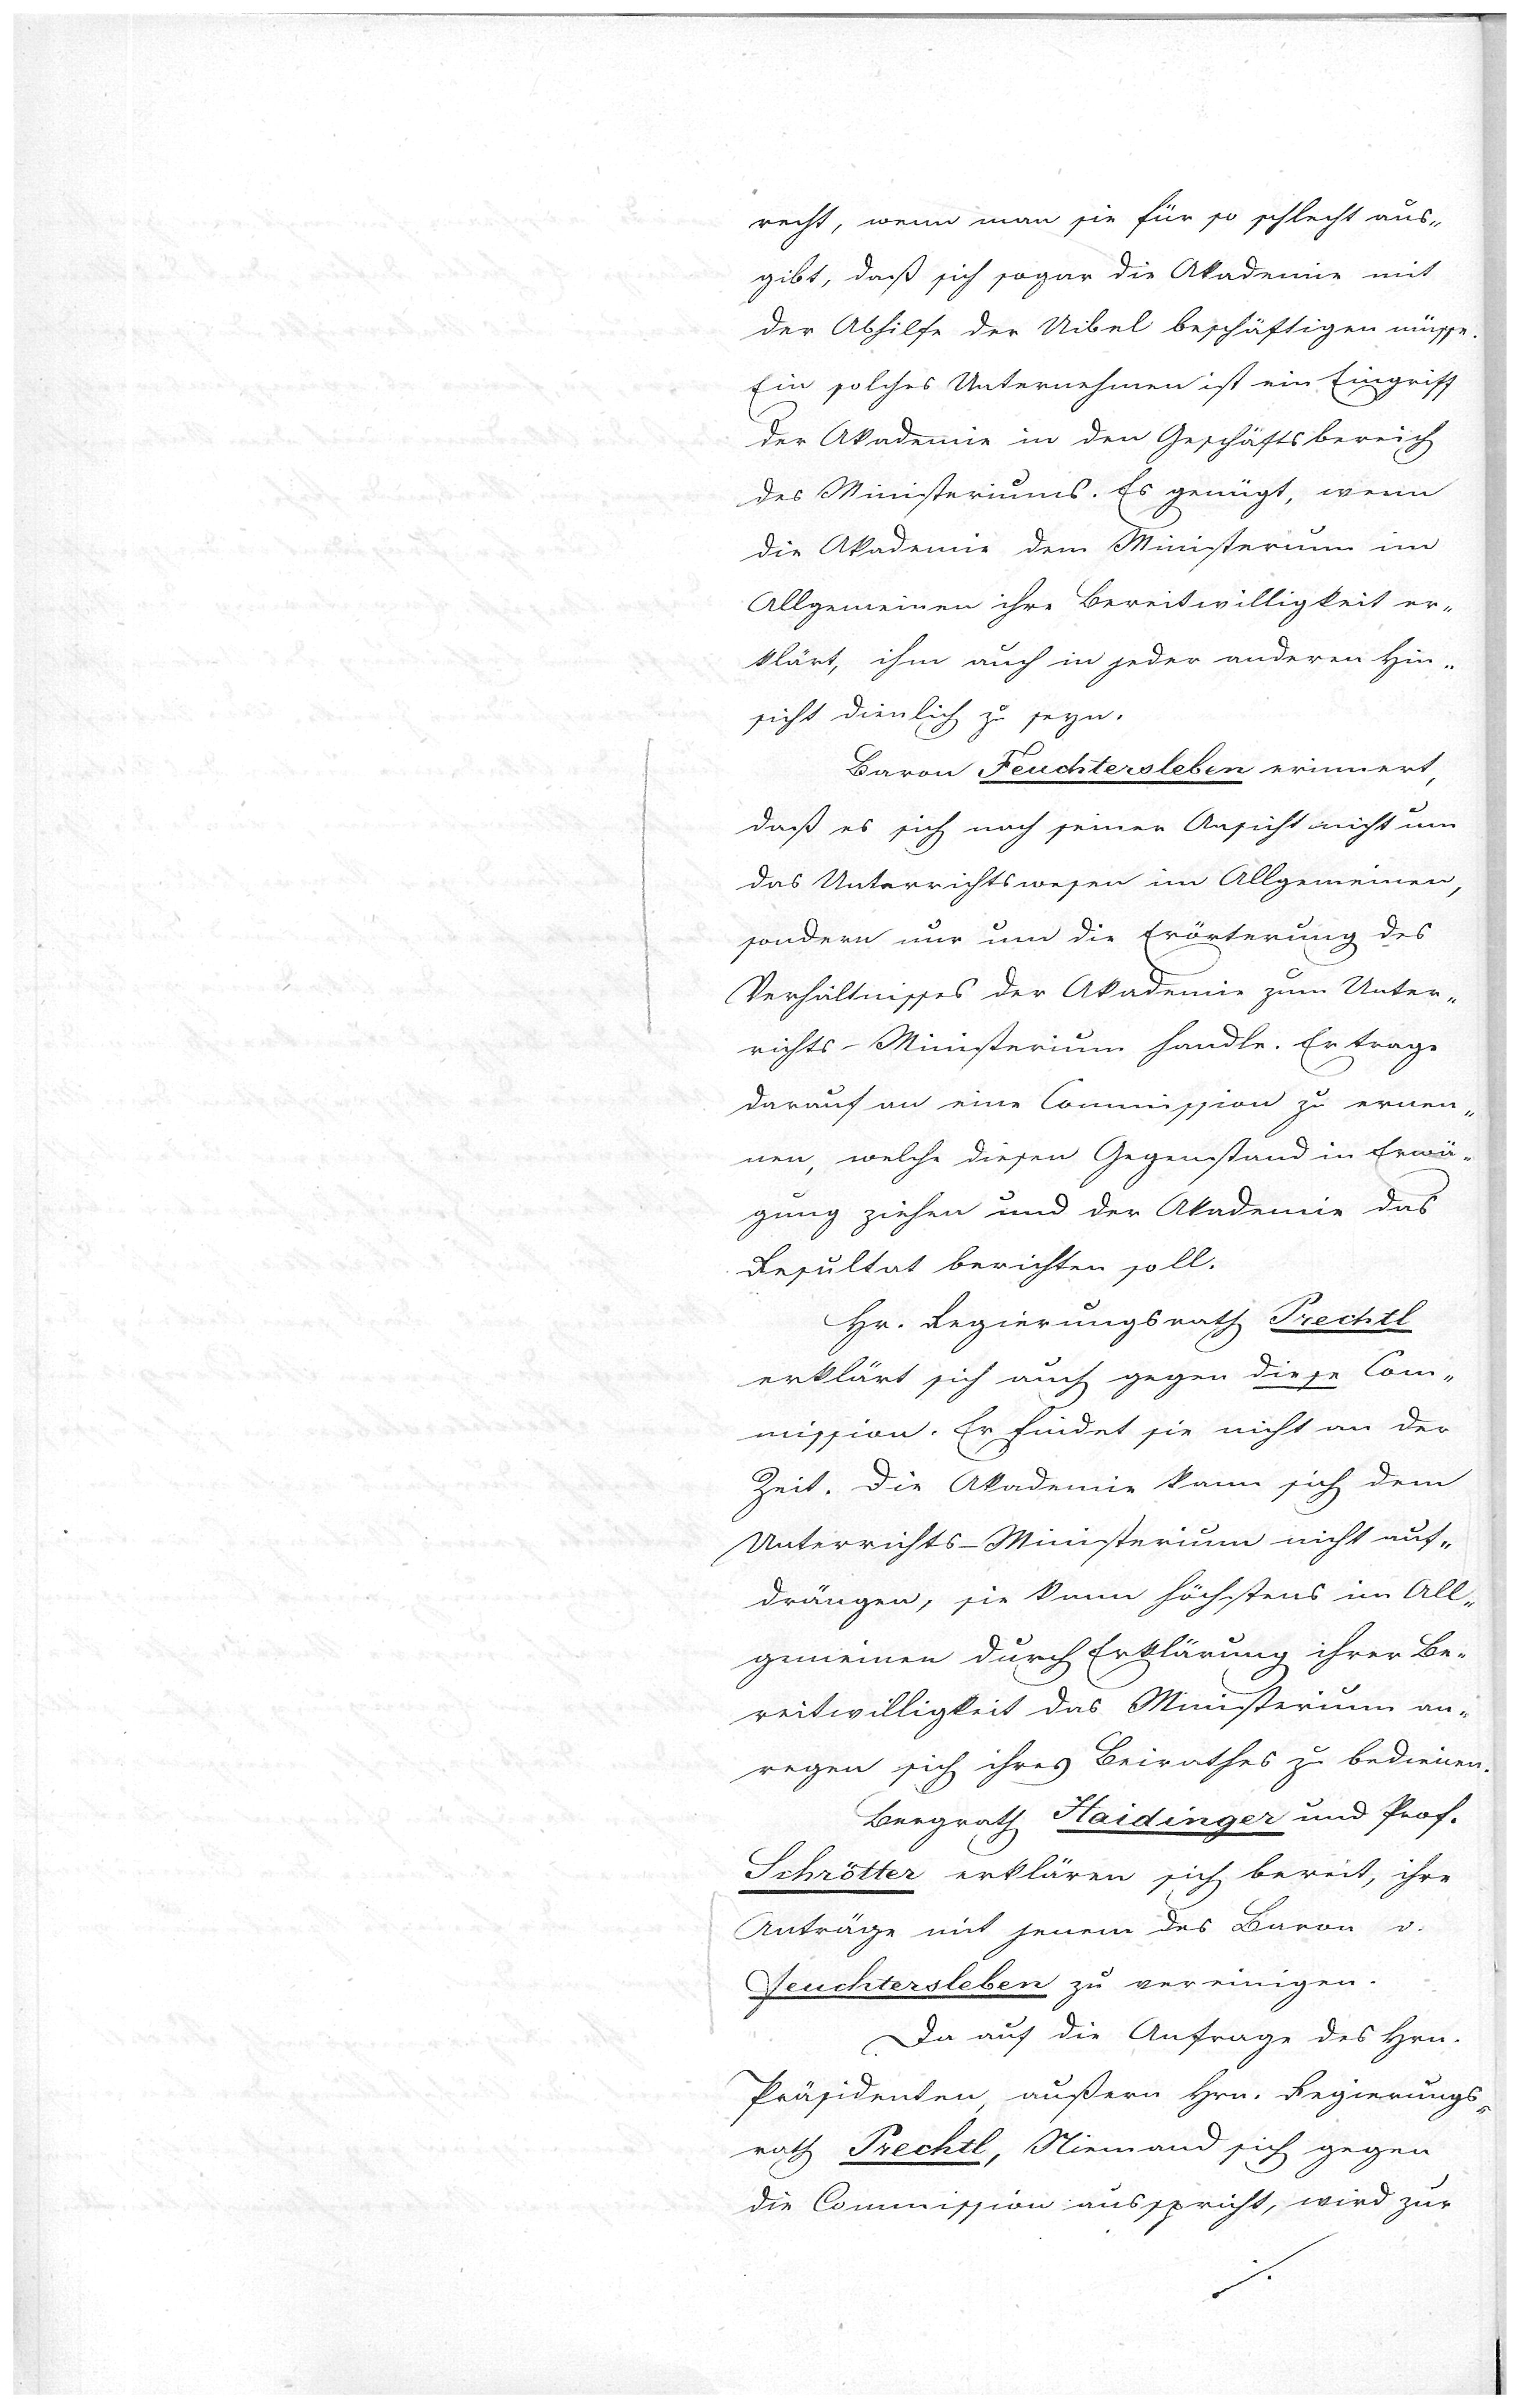recht, wenn man sie für so schlecht aus-
gibt, daß sich sogar die Akademie mit
der Abhilfe der Uibel beschäftigen müsse.
Ein solches Unternehmen ist ein Eingriff
der Akademie in den Geschäftsbereich
des Ministeriums. Es genügt, wenn
die Akademie dem Ministerium im
Allgemeinen ihre Bereitwilligkeit er-
klärt, ihm auch in jeder anderen Hin-
sicht dienlich zu seyn.
Baron Feuchtersleben erinnert,
daß es sich nach seiner Ansicht nicht um
das Unterrichtswesen im Allgemeinen,
sondern nur um die Erörterung des
Verhältnisses der Akademie zum Unter-
richts-Ministerium handle. Er trage
darauf an eine Commission zu ernen-
nen, welche diesen Gegenstand in Erwä-
gung ziehen und der Akademie das
Resultat berichten soll.
Hr. Regierungsrath Prechtl
erklärt sich auch gegen diese Com-
mission. Er findet sie nicht an der
Zeit. Die Akademie kann sich dem
Unterrichts-Ministerium nicht auf-
drängen, sie kann höchstens im All-
gemeinen durch Erklärung ihrer Be-
reitwilligkeit das Ministerium an-
regen sich ihrer Beirathes zu bedienen.
Bergrath Haidinger und Prof.
Schrötter erklären sich bereit, ihre
Anträge mit jenem des Baron .
Feuchtersleben zu vereinigen.
Da auf die Anfrage des Hrn.
Präsidenten, außer Hrn. Regierungs-
rath Prechtl, Niemand sich gegen
die Commission ausspricht, wird zur